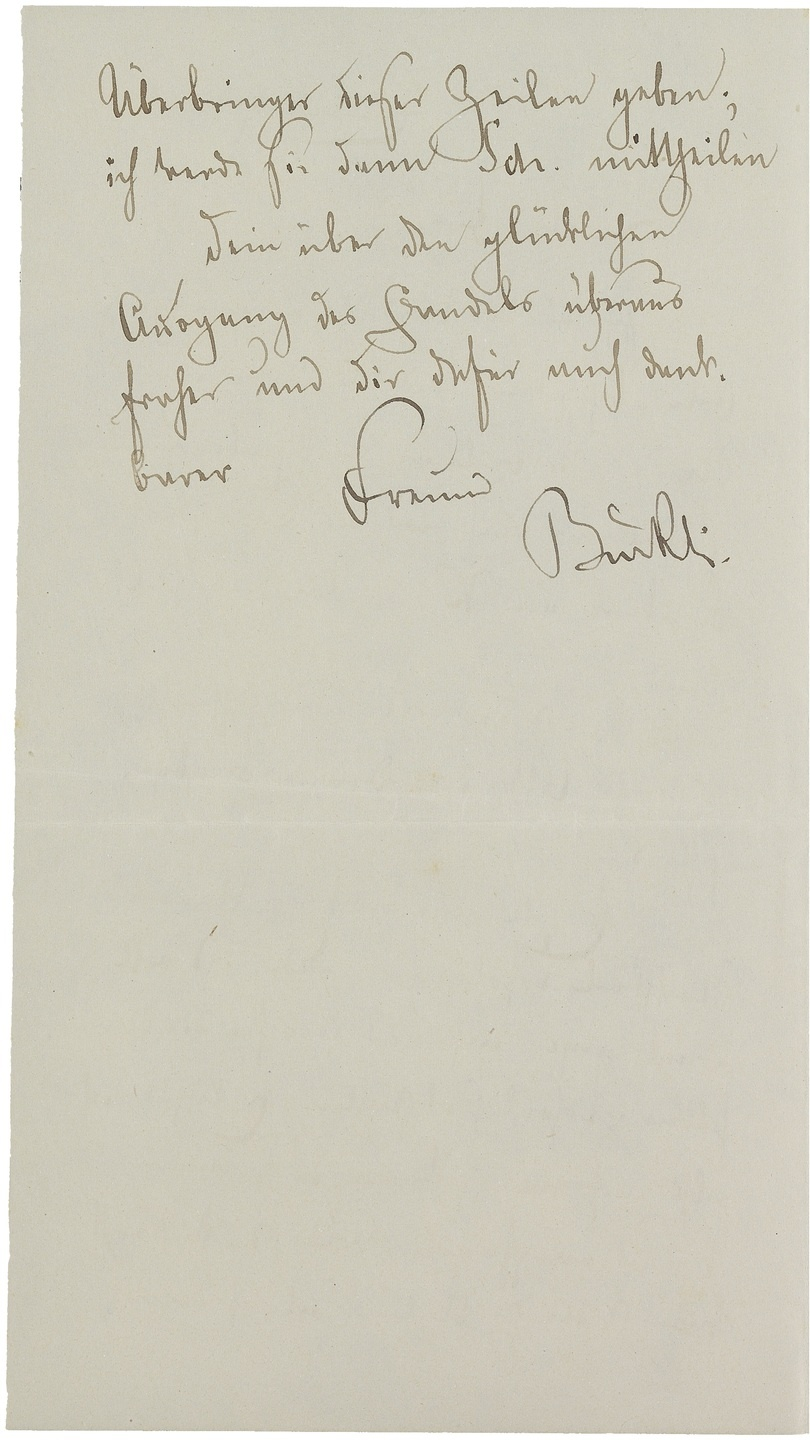Überbringer dieser Zeilen geben;
ich werde sie dann Sch. mittheilen
Dein über den glücklichen
Ausgang des Handels überaus
froher und dir dafür auch dank-
barer
Freund
Bürkli.